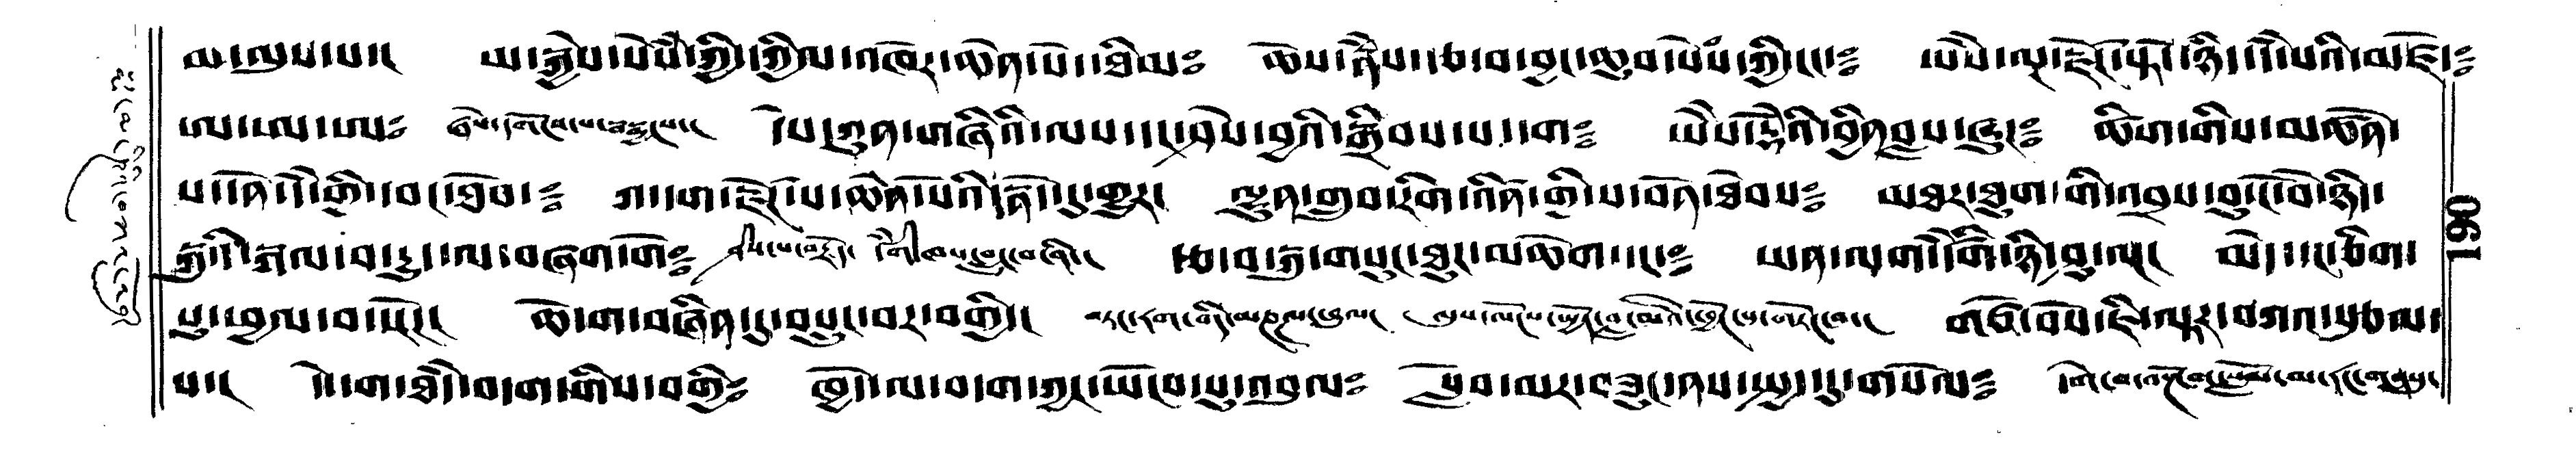མ་ལུས་པ༔ མ་སྐྱེས་སེམས་ཀྱི་དཀྱིལ་འཁོར་ཆེན་པོར་ཐིམ༔ ཆོས་རྣམས་རྩ་བ་བྱང་ཆུབ་སེམས་ཀྱི་ངང༔ ཡེ་ཤེས་ལྔ་རྫོགས་སྟོང་ཉིད་དམ་པའི་མཛོད༔
ཨ་ཨ་ཨ༔ ཞེས་དགོངས་པ་བསྐྱངས། དེས་ཀུན་གཞིའི་ལས་དང་ཤེས་བྱའི་སྒྲིབ་པ་དག༔ ཡེ་ཤེས་རྡོ་རྗེའི་བྱིན་རླབས་ཞུགས༔ ཚིག་གིས་མཚོན་
པ་དོན་དམ་གྱི་དབང་ཐོབ༔ ཀ་དག་རྫོགས་པ་ཆེན་པོའི་སྣོད་དུ་གྱུར༔ ལྷུན་གྲུབ་རིག་འཛིན་གྱི་ས་བོན་ཐེབས༔ མཐར་ཐུག་གི་འབྲས་བུ་ངོ་བོ་ཉིད་
སྐུའི་སྐལ་བ་རྒྱུད་ལ་བཞག་གོ༔ ཤིས་པ་བརྗོད། དམ་ཚིག་ཁས་བླང་བ་ནི། རྩ་བ་སྐུ་གསུང་ཐུགས་མཆོག་དང༔ ཡན་ལག་དམ་ཚིག་ཉི་ཤུ་ལྔ༔ མེད་དང་ཅིག་
པུ་འཆལ་བ་སོགས༔ ཆོ་ག་བཞིན་དུ་བསྲུང་བར་བགྱི༔ བཏང་རག་གི་མཎྜལ་ཕུལ། ལུས་ལོངས་སྤྱོད་བླ་མའི་ཕྱོགས་སུ་གཏོང་བ། གཙོ་བོས་ཇི་ལྟར་བཀའ་རྩལ་
པ༔ དེ་དག་ཐམས་ཅད་བདག་གིས་བགྱིཿ ཁྱོད་ལ་བདག་ཀྱངཡོངས་སུ་འབུལ༔ སློབ་མར་བཟུང་ནས་སྤྱད་དུ་གསོལ༔ དགེ་བ་བསྔོ་བ་སློབ་མ་རང་གནས་སུ་